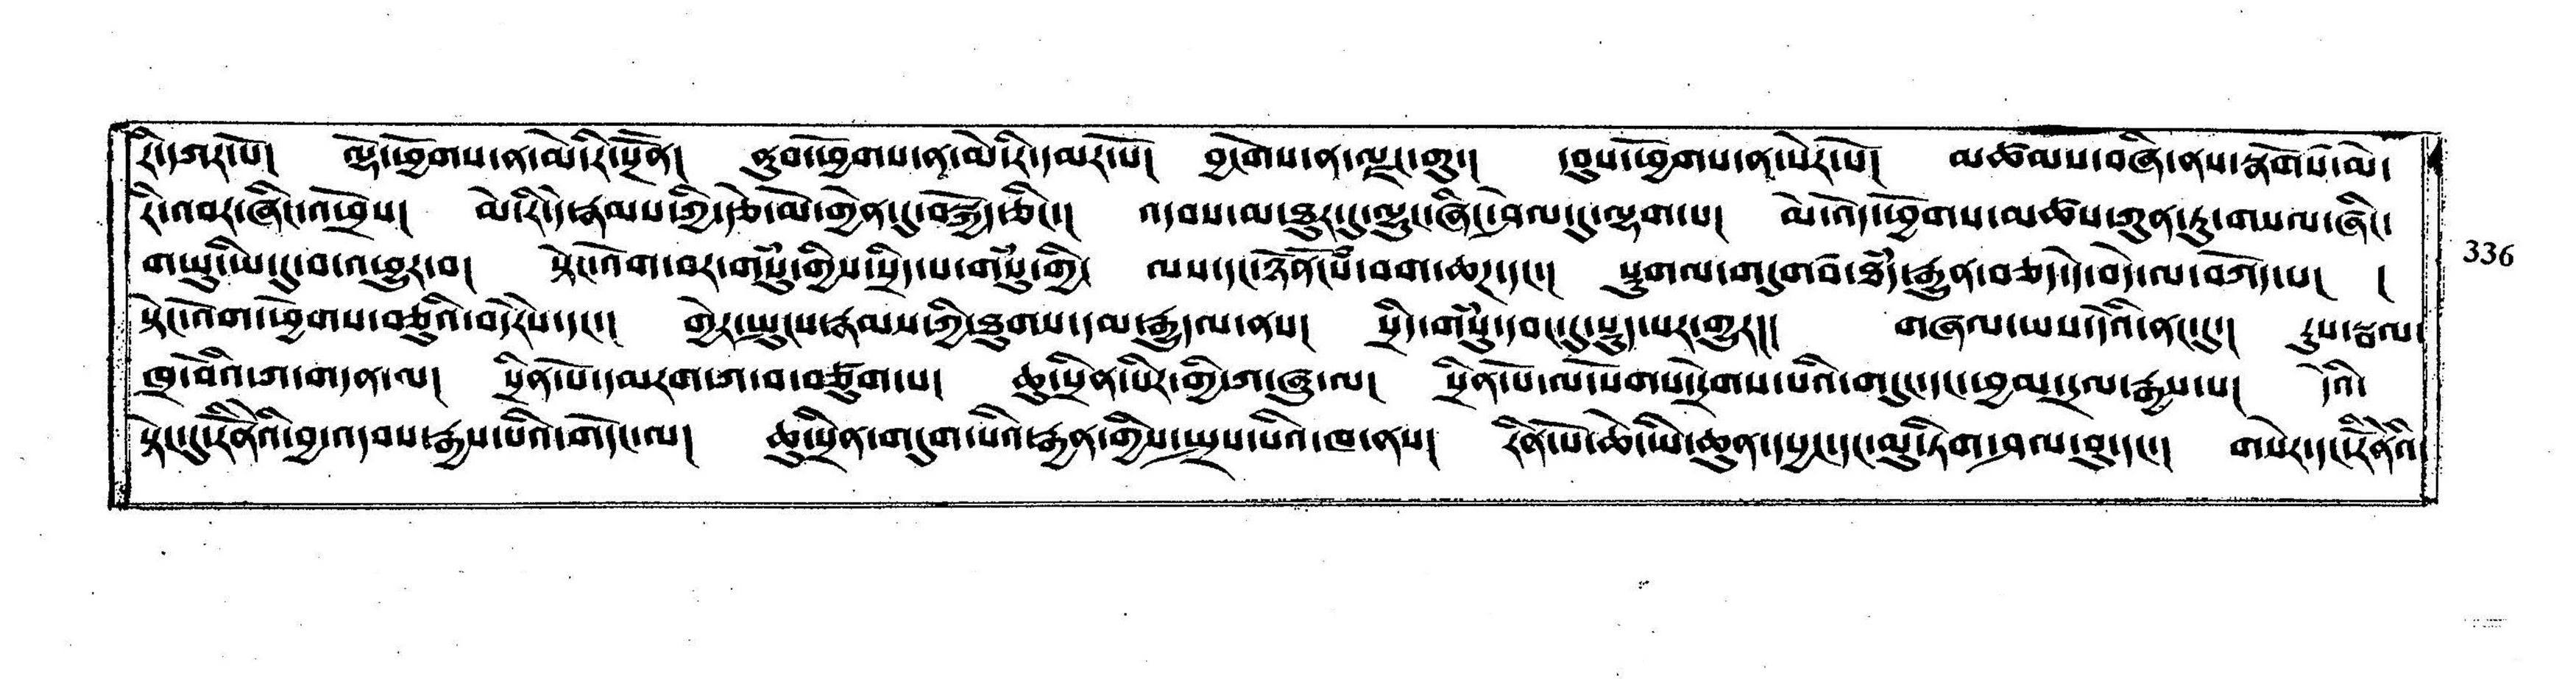རི་དཀར་པོ། ལྷོ་ཕྱོགས་ན་མེ་རི་སྔོན་པོ། ནུབ་ཕྱོགས་ན་མེ་རི་དམར་པོ། བྱང་ཕྱོགས་ན་ལྗང་གུ། དབུས་ཕྱོགས་ན་སེར་པོ། མཚམས་བཞི་ནས་སྣ་ཚོགས་མེ་
རི་འབར་ཞིང་འཕྲོས། མེ་རི་དེ་རྣམས་ཀྱི་རྩེ་མོ་གྱེན་དུ་བསྐྱོད་ཅིང་། འདབས་མ་ཐུར་དུ་ལྷུང་ཞིང་ཤེལ་དུ་ལྷག་པ། མེ་འོད་ཕྱོགས་མཚམས་ཀུན་ཏུ་གསལ་ཞིང་
གཡུ་ཡི་དུ་བ་འཕྱུར་བ། སྟེང་འོག་བར་གསུམ་གྱིས་སྲིད་པ་གསུམ་གྱི། ལས་དང་ཉོན་མོངས་བག་ཆགས་དང་། སྡུག་བསྔལ་གདུག་རྩུབ་ཐམས་ཅད་རྒྱུན་བཅད་དེ་བདེ་ལ་བཀོད་པ། །
སྟེང་འོག་ཕྱོགས་བཅུའི་བདེར་གཤེགས་དང་། གྱེར་སྤུངས་རྣམས་ཀྱི་ཐུགས་དམ་རྒྱུད་ལ་ནས། སྲིད་གསུམ་དབང་དུ་སྡུད་པར་གྱུར།། གཞལ་ཡས་དེའི་ནང་དུ། རུས་སྦལ་
ཁྲ་བོའི་ཀ་གདན་ལ། སྲིན་པོ་དམར་ནག་ཀ་བ་བཙུག་པ། ཆུ་སྲིན་པིར་གྱི་ཀ་ཞུ་ལ། སྲིན་པོ་ལ་སོགས་དྲེགས་པའི་གདུང་དང་ཕྱམ་དྲལ་རྒྱས་པ། དེའི་
སྟེང་དུ་རིན་པོ་ཆེའི་བྱ་འདབས་རྒྱས་པའི་གདོང་ལ། ཆུ་སྲིན་གདུག་པའི་རྒྱན་གྱིས་སྤྲས་པའི་ཁ་ནས། རིན་པོ་ཆེ་ཡི་ཆུན་དཔྱང་དང་མུ་ཏིག་ཤལ་བུ་དང་། གསེར་དང་རིན་པོ་ཆེའི་